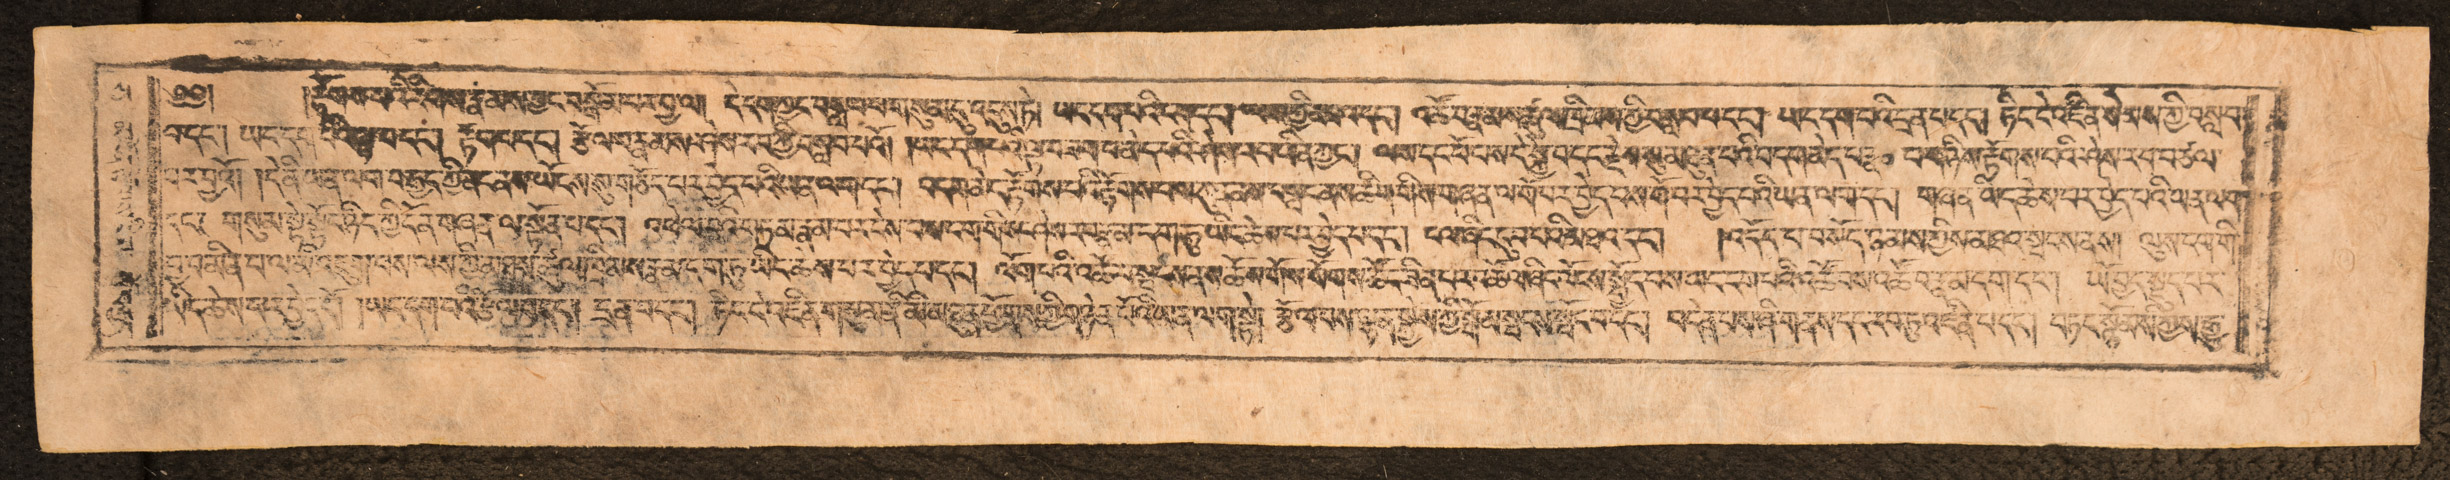༄༅། །རྟོགས་པའི་རིགས་རྣམས་ཀྱང་བསྒོམ་པར་བྱ་ལ། དེ་དག་ཀྱང་བསླབ་པ་གསུམ་དུ་འདུས་ཏེ། ཡང་དག་པའི་ངག་དང་། ལས་ཀྱི་མཐའ་དང་། འཚོ་བ་རྣམས་ཚུལ་ཁྲིམས་ཀྱི་བསླབ་པ་དང་། ཡང་དག་པའི་དྲན་པ་དང་། ཏིང་ངེ་འཛིན་སེམས་ཀྱི་བསླབ་
པ་དང་། ཡང་དག་པའི་ལྟ་བ་དང་། རྟོག་པ་དང་། རྩོལ་བ་རྣམས་ཤེས་རབ་ཀྱི་བསླབ་པའོ། །ཡང་དག་པའི་ལྟ་བ་ཟག་པ་མེད་པའི་ཤེས་རབ་ཡིན་ཀྱང་། ལས་དང་པོ་པས་དེ་སྐྱེ་བ་དང་རྗེས་སུ་མཐུན་པའི་བདག་མེད་པ་རྣམ་པ་གཉིས་རྟོགས་པའི་ཤེས་རབ་བཙལ་
བར་བྱའོ། །དེ་ནི་ཡན་ལག་བརྒྱད་ཀྱི་ནང་ནས་ཡོངས་སུ་གཅོད་པར་བྱེད་པའི་ཡན་ལག་དང་། བདག་མེད་རྟོགས་པའི་རྟོགས་པས་ཀུན་ནས་བསླང་ནས་ཚིག་གིས་གཞན་ལ་གོ་བར་བྱེད་པས་གོ་བར་བྱེད་པའི་ཡན་ལག་དང་། གཞན་ཡིད་ཆེས་པར་བྱེད་པའི་ཡན་ལག་
དང་། གསུམ་སྟེ་སྟོང་ཉིད་ཀྱི་དོན་གཞན་ལ་སྟོན་པ་དང་། འཕེལ་བའི་གཏམ་རྣམ་པར་ངེས་པས་ངག་གིས་ཤེས་རབ་རྣམ་དག་ཏུ་ཡིད་ཆེས་པར་བྱེད་པ་དང་། ངལ་ཞིང་དུབ་པའི་མཐའ་དང་། །འདོད་པ་བསོད་ཉམས་ཀྱིས་མཐའ་སྤངས་ནས། ལུས་ངག་གི་
བྱ་བ་མིན་པ་ལ་མི་འཇུག་པས་ལས་ཀྱི་མཐས་ཚུལ་ཁྲིམས་རྣམ་དག་ཏུ་ཡིད་ཆེས་པར་བྱེད་པ་དང་། ལོག་པའི་འཚོ་བ་སྤངས་ནས་ཆོས་གོས་སོགས་ཚོད་ཟིན་པར་འཚོལ་ཞིང་ལོངས་སྤྱོད་པས་ཡང་དག་པའི་འཚོ་བས་འཚོ་བ་རྣམ་དག་དང་། ཡོ་བྱད་སྡུད་པར་
ཡིད་ཆེས་པར་བྱེད་དོ། །ཡང་དག་པའི་རྩོལ་བ་དང་། དྲན་པ་དང་། ཏིང་ངེ་འཛིན་གསུམ་ནི་མི་མཐུན་ཕྱོགས་ཀྱི་གཉེན་པོའི་ཡན་ལག་སྟེ། རྩོལ་བས་ལྷན་སྐྱེས་ཀྱི་སྒོམ་སྤངས་སྤོང་བ་དང་། བདེན་པས་ཞི་གནས་དང་རབ་ཏུ་འཛིན་པ་དང་། བཏང་སྙོམས་ཀྱིས་རྒྱུ་